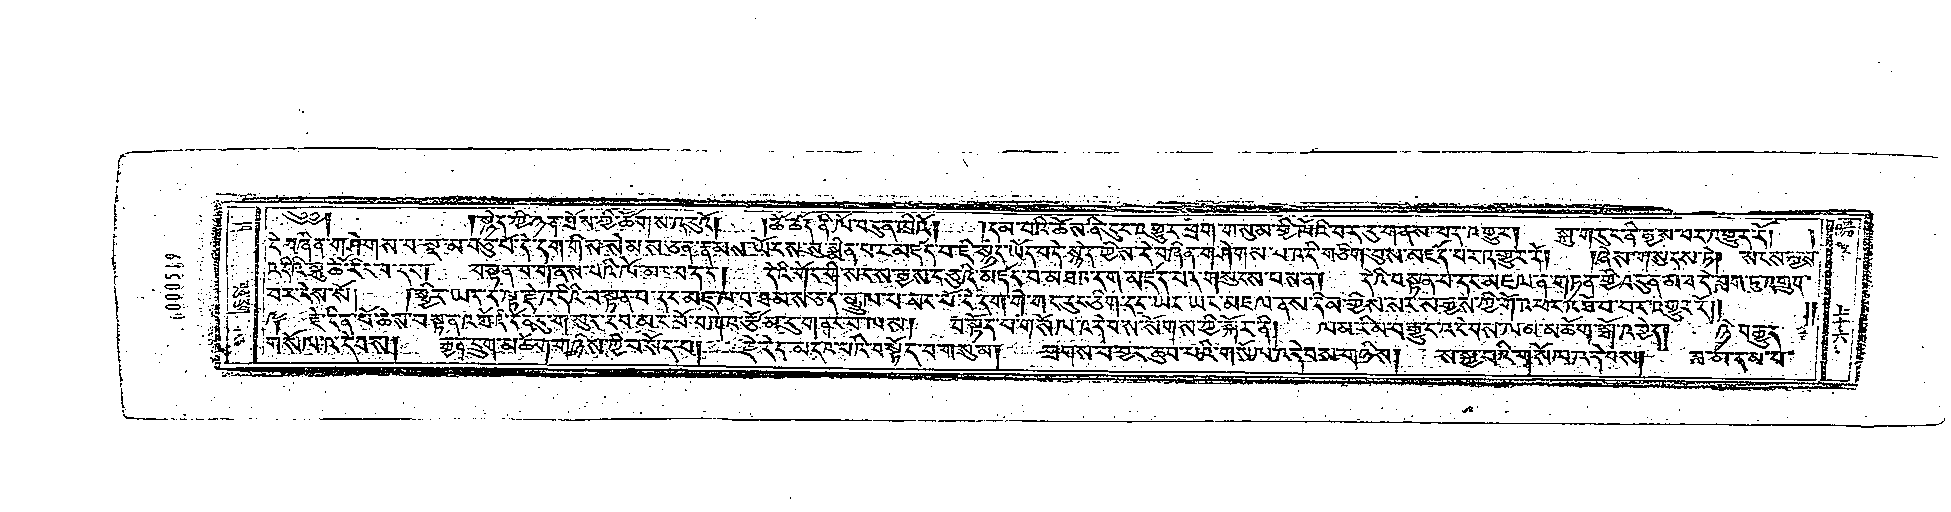༄༅། །སྙེད་ཀྱི་ཉན་ཐོས་ཀྱི་ཚོགས་འདུའོ། །ཚེ་ཚད་ནི་ལོ་བདུན་ཁྲིའོ། །དམ་པའི་ཆོས་ནི་དུང་འབྲུར་ཕྲག་གསུམ་གྱི་ལོའི་བར་དུ་གནས་པར་འགྱུར། སྐུ་གདུང་ནི་རྒྱས་བར་འགྱུར་རོ། །
དེ་བཞིན་གཤེགས་པ་སྔ་མ་བཅུ་པོ་དེ་དག་གིས་སེམས་ཅན་རྣམས་ཡོངས་སུ་སྨིན་པར་མཛད་བ་ཇི་སྙེད་ཡོད་བདེ་སྙེད་ཀྱིས་དེ་བཞིན་གཤེགས་པ་འདི་གཅིག་བུས་མཛད་པར་འགྱུར་རོ། །ཞེས་གསུངས་ཏེ། སངས་རྒྱས་
འདིའི་སྐུ་ཚེ་རིང་བ་དང་། བསྟན་བ་གནས་པའི་ལོ་མང་བ་དང་། དེའི་གོང་གི་སངས་རྒྱས་ད་ཅུའི་མཛད་བ་མཐའ་དག་མཛད་པར་གསུངས་པས་ན། དེའི་བསྟན་བ་དང་མཇལ་ན་གཏན་གྱི་འདུན་མ་བདེ་བླག་ཏུ་འགྲུབ་
བར་ངེས་སོ། །སྤྱིར་ཡང་ད་ལྟ་རྗེ་འདིའི་བསྟན་པ་དང་མཇལ་བ་ཐམས་ཅད་སྤྲུལ་པ་མང་པོ་དེ་དག་གི་གང་རུང་ཅིག་དང་ཡང་ཡང་མཇལ་ནས་རིམ་གྱིས་སངས་རྒྱས་ཀྱི་གོ་འཕང་འཐོབ་བར་འགྱུར་རོ།། །།
༈ རྗེ་རིན་པོ་ཆེས་བསྟན་འགྲོའི་དོན་དུ་གསུང་རབ་མང་པོ་བཀའ་རྩོམ་དུ་གནང་བ་ལས། བསྟོད་པ་གསོལ་འདེབས་སོགས་ཀྱི་སྐོར་ནི། ལམ་རིམ་བརྒྱུད་འདེབས་ལམ་མཆོག་སྒོ་འབྱེད། ཉེ་བརྒྱུད་
གསོལ་འདེབས། རྒྱན་དྲུག་མཆོག་གཉིས་ཀྱི་བསྙོད་བ། རྗེ་རེད་མདའ་པའི་བསྟོད་པ་གསུམ། གྲགས་པ་བྱང་ཆུབ་པའི་གསོལ་འདེབས་གཉིས། ས་སྐྱ་བའི་གསོལ་འདེབས། བླ་མ་དམ་པ་